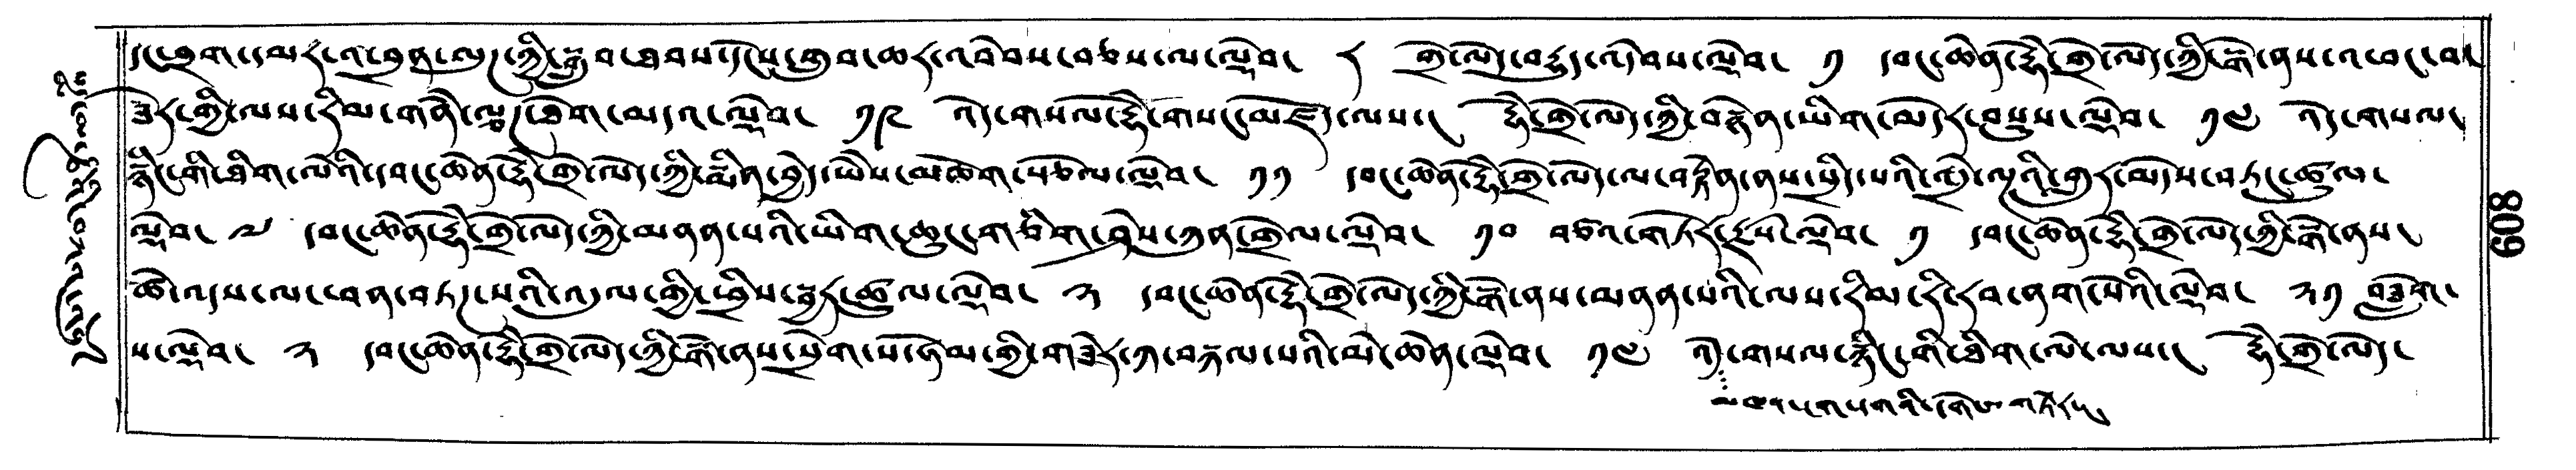དང་བྲག་དམར་འོ་བྲན་ལུགས་ཀྱི་སྒྲུབ་ཐབས་དངོས་གྲུབ་ཆར་འབེབས་བཅས་ལ་ལྡེབ། གྲོ་ལོད་བརྒྱུད་འདེབས་ལྡེབ། དབང་ཆེན་རྡོ་རྗེ་གྲོ་ལོད་ཀྱི་སྒོ་ནས་འཕང་བ་
ཟོར་གྱི་ལས་རིམ་གནམ་ལྕགས་ཐོག་མདའ་ལྡེབ། འོད་གསལ་རྡོ་རྗེ་གསང་མཛོད་ལས། རྡོ་རྗེ་གྲོ་ལོད་ཀྱི་བསྙེན་ཡིག་མདོར་བསྡུས་ལྡེབ། འོད་གསལ་
སྙིང་གི་ཐིག་ལེའི་དབང་ཆེན་རྡོ་རྗེ་གྲོ་ལོད་ཀྱི་སྨིན་བྱེད་ཡེ་ཤེས་མཆོག་སྩོལ་ལྡེབ། དབང་ཆེན་རྡོ་རྗེ་གྲོ་ལོད་ལ་བརྟེན་ནས་སྲིད་པའི་འདྲེ་ལྔའི་གླུད་མདོས་བཏང་ཚུལ་
ལྡེབ། དབང་ཆེན་རྡོ་རྗེ་གྲོལོད་ཀྱི་མནན་པའི་ཡིག་ཆུང་གཅིག་ཤེས་ཀུན་གྲོལ་ལྡེབ། བཙའ་གཏོར་རྫས་ལྡེབ། དབང་ཆེན་རྡོ་རྗེ་གྲོ་ལོད་ཀྱི་སྒོ་ནས་
ཚེ་འདས་ལ་ཕན་བཏགས་པའི་འདུལ་གྱི་ཕྲིན་ལས་སྦྱར་ཚུལ་ལྡེབ། དབང་ཆེན་རྡོ་རྗེ་གྲོ་ལོད་ཀྱི་སྒོ་ནས་མནན་པའི་ལས་རིམ་རི་རབ་ནག་པོ་ལྡེབ། བཟློག་
པ་ལྡེབ། དབང་ཆེན་རྡོ་རྗེ་གྲོ་ལོད་ཀྱི་སྒོ་ནས་སྲེག་པ་ཧོམ་གྱི་གཟེར་ཀ་བསྐལ་པའི་མེ་ཆེན་ལྡེབ། འོད་གསལ་སྙིང་གི་ཐིག་ལེ་ལས། རྡོ་རྗེ་གྲོ་ལོད་